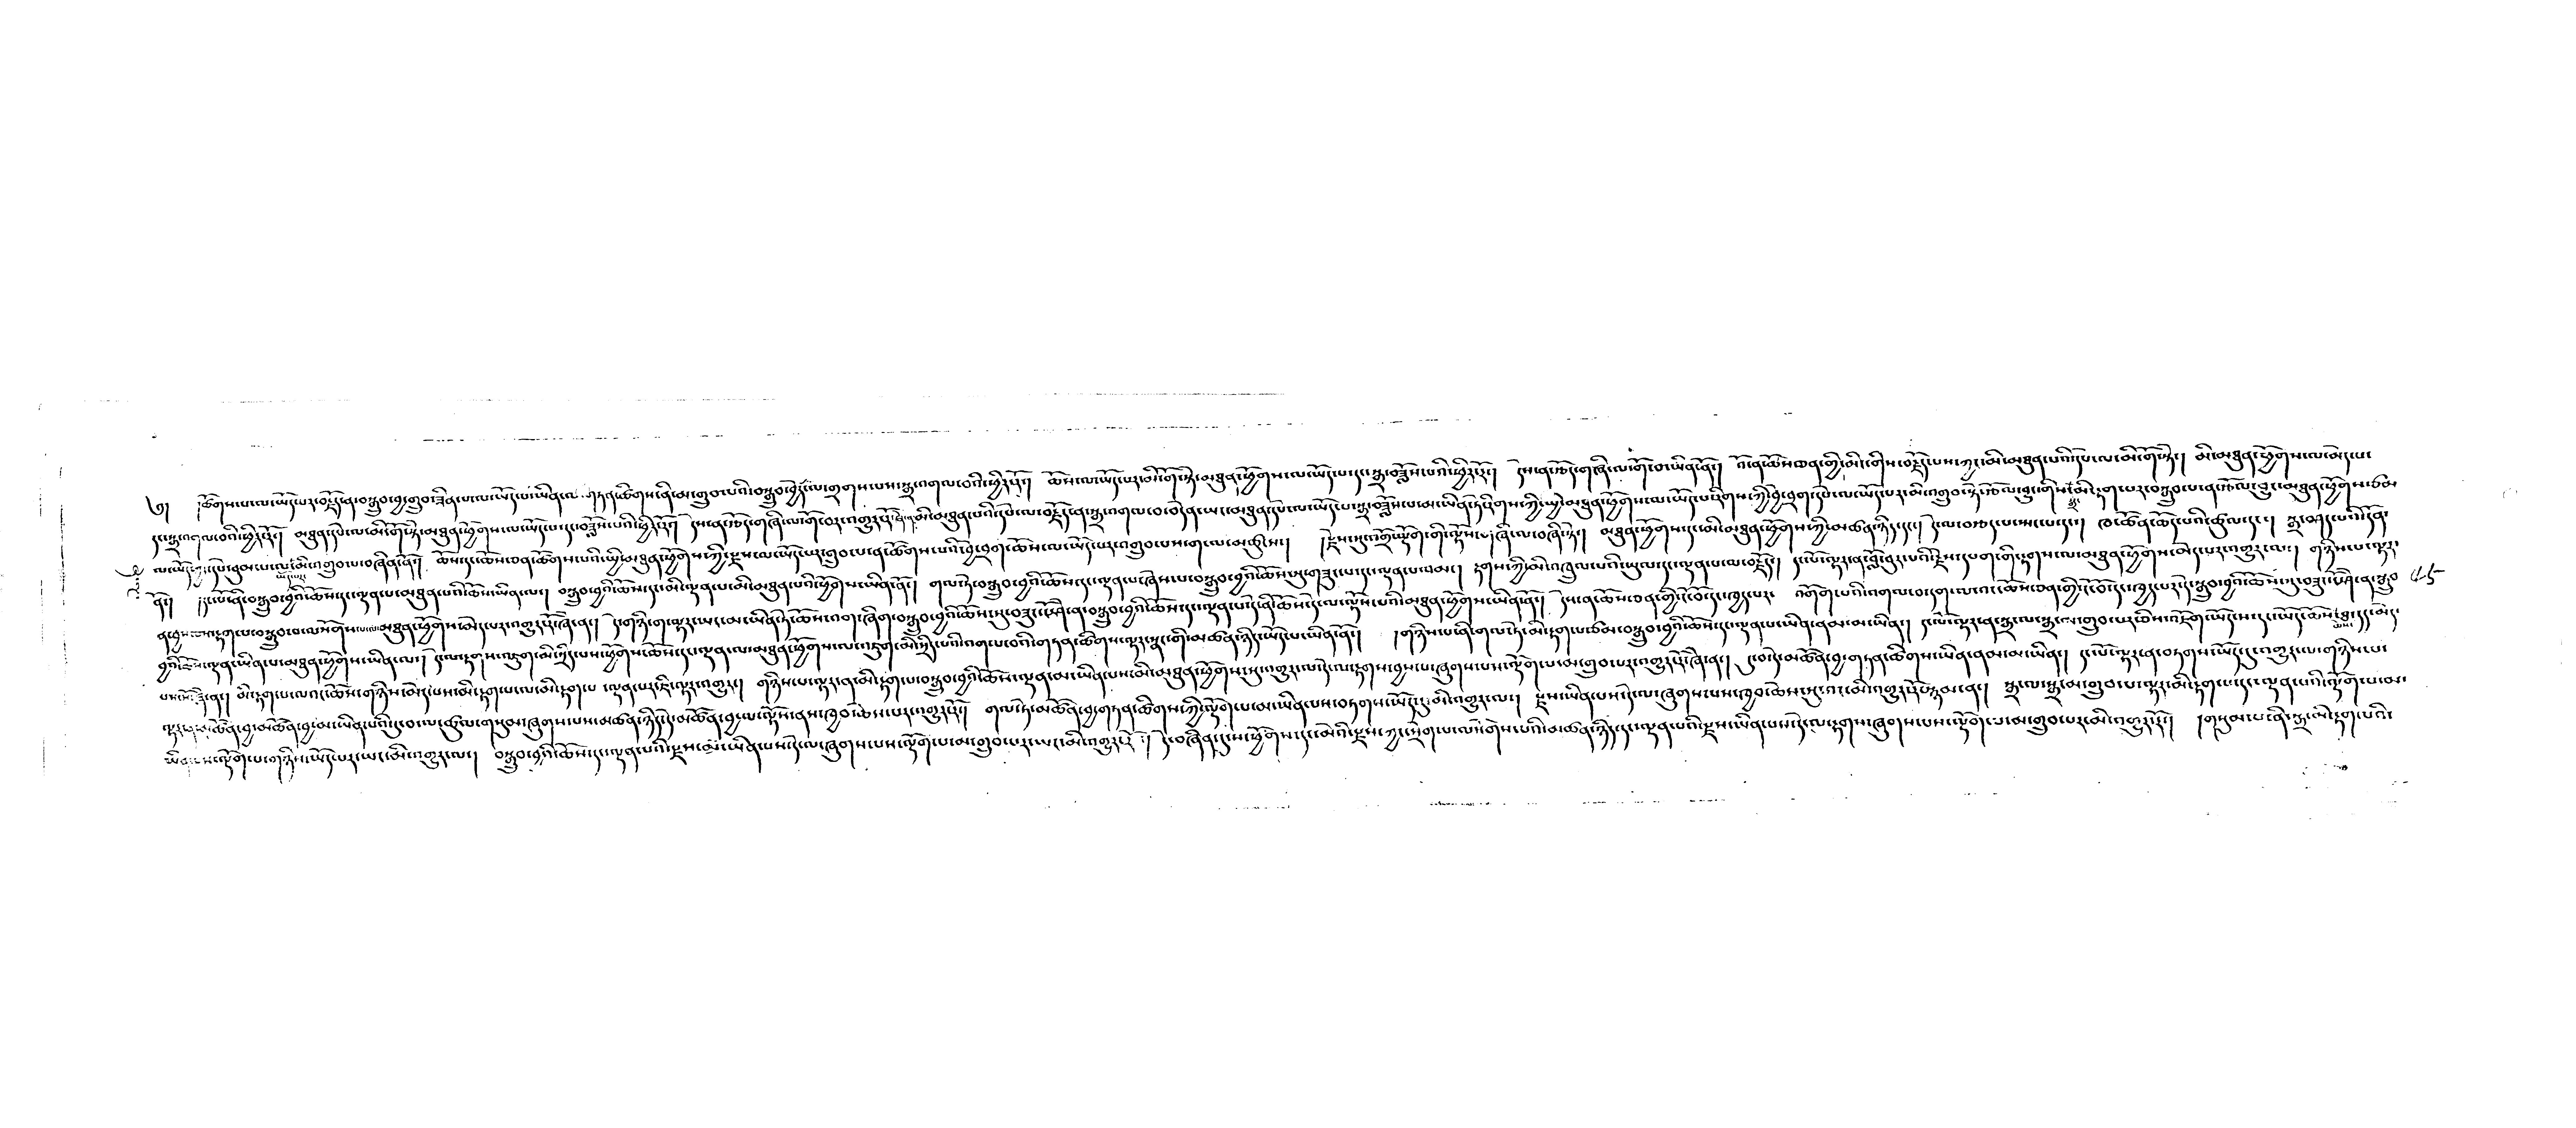༄༅། །ཚོགས་པ་ལ་ཡོད་པར་བརྗོད་ན་བསྒྲུབ་བྱ་གྲུབ་ཟིན་པ་ལ་ཡོད་པ་ཡིན་ལ་གཏན་ཚིགས་ནི་མ་གྲུབ་པའི་བསྒྲུབ་བྱེད་ལ་གྲགས་པས་སྒྲ་འགལ་བའི་ཕྱིར་རོ། ཆོས་ལ་ཡོད་པར་མི་གོ་སྟེ་མཐུན་ཕྱོགས་ལ་ཡོད་པ་དང་སྒྲ་བཟློས་པའི་ཕྱིར་རོ། དེས་ན་རྩོད་གཞི་ལ་གོ་ཆ་ཡིན་ནོ། འོ་ན་ཆོས་ཅན་གྱི་མིང་གི་བརྗོད་པས་ཀྱང་མི་མཐུན་པའི་དཔེ་ལ་མི་གོ་སྟེ། མི་མཐུན་ཕྱོགས་ལ་མེད་པ་
དང་སྒྲ་འགལ་བའི་ཕྱིར་རོ། མཐུན་དཔེ་ལ་མི་གོ་སྟེ་མཐུན་ཕྱོགས་ལ་ཡོད་པ་དང་བཟློས་པའི་ཕྱིར་རོ། དེས་ན་རྩོད་གཞི་ལ་གོ་བར་འགྱུར་རོ་ཞེ་ན་མི་མཐུན་པའི་དཔེ་ལ་བརྗོད་ན་སྒྲ་འགལ་བ་བདེན་ཡང་མཐུན་དཔེ་ལ་ཡོད་པ་སྒྲ་བཟློས་པ་མ་ཡིན་ཏེ་རིགས་ཀྱི་སྤྱི་མཐུན་ཕྱོགས་མ་ཡོད་པ་རིགས་ཀྱི་བྱེ་བྲག་དཔེ་ལ་ཡོད་པར་མི་འགྲུབ་སྟེ་རྩོལ་བྱུང་གིས་སྒྲ་མི་རྟག་པར་བསྒྲུབ་པ་ན་རྩོལ་བྱུང་མཐུན་ཕྱོགས་ཙམ་
ལ་ཡོད་ཀྱང་དཔེ་བུམ་པ་ལ་ཡོད་ཡང་མི་འགྲུབ་པ་བཞིན་ནོ། ཆོས་དང་ཆོས་ཅན་ཚོགས་པའི་སྤྱི་མཐུན་ཕྱོགས་ཀྱི་རྫས་ལ་ཡོད་པར་གྲུབ་པ་ན་ཚོགས་པའི་བྱེ་བྲག་ཆོས་ལ་ཡོད་པར་འགྲུབ་པས་ག་ལ་མཚུངས། །རྗེས་སུ་འགྲོ་ལྡོག་གི་ལྟོས་གཞི་ལས་བཞི་སྟེ། མཐུན་ཕྱོགས་དང་མི་མཐུན་ཕྱོགས་ཀྱི་མཚན་ཉིད་དང་། དེ་ལ་བཙད་པ་སྤང་པ་དང་། ཁ་ཚོན་ཆོད་པའི་ཚུལ་དང་། སྒྲ་བཤད་པའི་དོན་
ནོ། །དང་པོ་ནི་བསྒྲུབ་བྱའི་ཆོས་དང་ལྟན་པ་མཐུན་པའི་ཆོས་ཡིན་ལ། བསྒྲུབ་བྱའི་ཆོས་དང་མི་ལྡན་པ་མི་མཐུན་པའི་ཕྱོགས་ཡིན་ནོ། གལ་ཏེ་བསྒྲུབ་བྱའི་ཆོས་དང་ལྡན་པ་ཞེས་པ་བསྒྲུབ་བྱའི་ཆོས་སུ་གཟུང་པ་དང་ལྡན་པ་ལམ། རྟགས་ཀྱི་མི་འཁྲུལ་པའི་ཡུལ་དང་ལྡན་པ་ལ་བརྗོད། དང་པོ་ལྟར་ན་བློ་བུར་པའི་རྗེས་དཔག་གི་རྟགས་ལ་མཐུན་ཕྱོགས་མེད་པར་འགྱུར་མ། གཉིས་པ་ལྟར་
ན་བྱས་?་རྟག་པ་བསྒྲུབ་པ་ལ་སོགས་པ་?་མཐུན་ཕྱོགས་མེད་པར་འགྱུར་རོ་ཞེ་ན། དེ་གཉི་ག་ལྟར་ཡང་མ་ཡིན་ཏེ་ཆོས་བག་ཞིག་བསྒྲུབ་བྱའི་ཆོས་སུ་བཟུང་ངོ་ཤི་ན་བསྒྲུབ་བྱའི་ཆོས་དང་ལྡན་པ་དེ་ནི་ཆོས་དེ་ལ་ལྟོས་པའི་མཐུན་ཕྱོགས་ཡིན་ནོ། དེས་ན་ཆོས་ཅན་གྱི་ངོ་བོ་དང་ཁྱད་པར་འགོག་པའི་འགལ་བ་དག་ལའང་ཆོས་ཅན་གྱི་ངོ་བོ་དང་ཁྱད་པར་དེ་སྒྲུབ་བྱའི་ཆོས་སུ་བཟུང་ངོ་ཤེ་ན་སྒྲུབ་
བྱའི་ཆོས་ལྡན་ཡིན་པ་མཐུན་ཕྱོགས་ཡི་ལ། དེ་ལ་རྟགས་འཇུག་མི་སྲིད་པས་ཕྱོགས་ཆོས་དང་ལྡན་ལ་མཐུན་ཕྱོགས་ལ་འཇུག་མི་སྲིད་པའི་འགལ་པའི་གཏན་ཚིགས་ལྟར་སྣང་གི་མཚན་ཉིད་ཡོད་པ་ཡིན་ནོ། །གཉིས་པ་ནི་གལ་ཏེ་མི་རྟག་པ་ཙམ་བསྒྲུབ་བྱའི་ཆོས་དང་ལྡན་པ་ཡིན་ནམ་མ་ཡིན། ད་ལོ་ལྟར་ན་སྒྲ་ལ་སྒྲ་ལ་གྲུབ་པར་ཅིས་འཇོག་ཡོད་ས་དང་ཡོད་ཆོས་?་ཐ་དད་མེད་
པས་སོ་ཞེ་ན། མི་རྟག་པ་ལའང་ཆོས་གཉིས་མེད་པས་མི་རྟག་པ་ལ་མི་རྟག་པ་ལྡན་པར་ཇི་ལྟར་འགྱུར། གཉིས་པ་ལྟར་ན་མི་རྟག་པ་བསྒྲུབ་བྱའི་ཆོས་ལྡན་མ་ཡིན་པས་མི་མཐུན་ཕྱོགས་སུ་འགྱུར་ལ་དེ་ལ་རྟགས་བྱས་པ་ཞུགས་པས་ལྡོག་པ་མ་གྲུབ་པར་འགྱུར་རོ་ཞེ་ན། དུ་བ་དེ་མཚོན་བྱ་གཏན་ཚིགས་ཡིན་ནམ་མ་ཡིན། དང་པོ་ལྟར་ན་བཏགས་ཡོད་དུ་འགྱུར་ལ་གཉིས་པ་
ལྟར་ན་མཚོན་བྱ་མཚོན་བྱ་མ་ཡིན་པའི་དུ་བ་ལ་ཚུལ་གསུམ་ཞུགས་པས་མཚན་ཉིད་དེ་མཚོན་བྱ་ལ་ལྟོས་ནས་ཁྱབ་ཆེས་པར་འགྱུར་རོ། གལ་ཏེ་མཚོན་བྱ་གཏན་ཚིགས་ཀྱི་ལྡོག་པ་མ་ཡིན་པས་བཏགས་ཡོད་དུ་མི་འགྱུར་ལ། རྫས་ཡིན་པས་དེ་ལ་ཞུགས་པས་ཁྱབ་ཆེས་སུ་འང་མི་འགྱུར་རོ་སྙམ་ན། སྒྲ་ལ་སྒྲ་མ་གྲུབ་པ་ལྟར་མི་རྟག་པ་དང་ལྡན་པའི་ལྡོག་པ་མ་
ཡིན་པས་ལྡོག་པ་གཉིས་ཡོད་པར་ཡང་མི་འགྱུར་ལ། བསྒྲུབ་བྱའི་ཆོས་དང་ལྡན་པའི་རྫས་མ་ཡིན་པས་དེ་ལ་ཞུགས་པས་ལྡོག་པ་མ་གྲུབ་པར་ཡང་མི་འགྱུར་རོ། དེ་བཞིན་དུ་ས་ཕྱོགས་དང་མེའི་རྫས་ཀྱང་སྲེག་པ་ལ་སོགས་པའི་མཚན་ཉིད་དང་ལྡན་པའི་རྫས་ཡིན་པས་དེ་ལ་རྟགས་ཞུགས་པས་ལྡོག་པ་མ་གྲུབ་པར་མི་འགྱུར་རོ། །གསུམ་པ་ནི་སྒྲ་མི་རྟག་པའི་